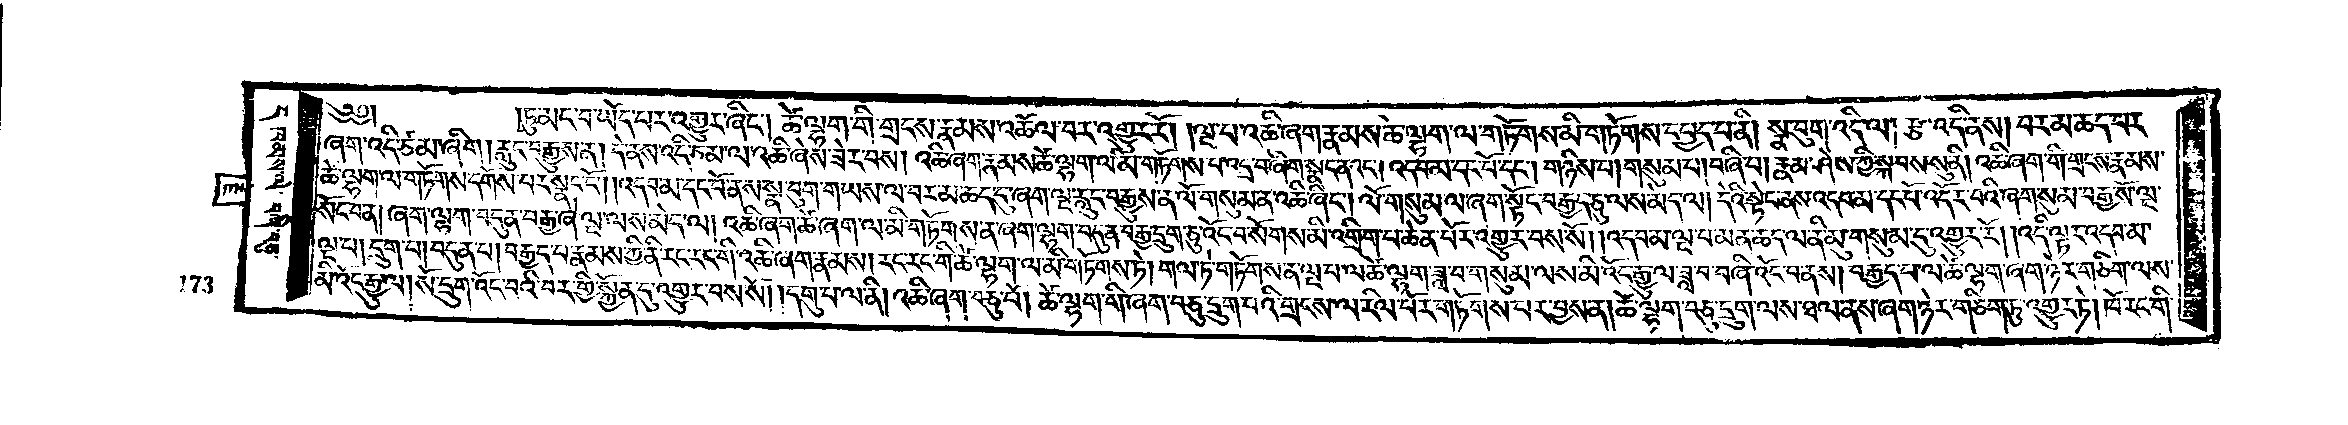༄༅། །ཏུ་མང་བ་ཡོད་པར་འགྱུར་ཞིང་། ཚེ་ལྷག་གི་གྲངས་རྣམས་འཆོལ་བར་འགྱུར་རོ། །ལྔ་པ་འཆི་ཞག་རྣམས་ཆེ་ལྷག་ལ་གཏོགས་མི་གཏོགས་དཔྱད་པ་ནི། སྣ་བུག་འདི་ལ། རྩ་འདི་ནས། བར་མ་ཆད་པར་
ཞག་འདི་ཙམ་ཞིག །རླུང་བརྒྱུས་ན། དེ་ནས་འདི་ཙམ་ལ་འཆི་ཞེས་ཟེར་བས། འཆི་ཞག་རྣམས་ཚེ་ལྷག་ལ་མི་གཏོགས་པ་འདྲ་བ་ཞིག་སྣང་ནའང་། འདབ་མ་དང་པོ་དང་། གཉིས་པ། གསུམ་པ། བཞི་པ། རྣམ་ཤེས་ཀྱི་སྐབས་སུ་ནི། འཆི་ཞག་གི་གྲངས་རྣམས་
ཚེ་ལྷག་ལ་གཏོགས་དགོས་པར་སྣང་ངོ། །འདབ་མ་དང་པོ་ནས་སྣ་བུག་གཡས་ལ་བར་མ་ཆད་དུ་ཞག་ལྔ་རླུང་བརྒྱུས་ན་ལོ་གསུམ་ན་འཆི་ཞིང་། ལོ་གསུམ་ལ་ཞག་སྟོང་བརྒྱད་ཅུ་ལས་མེད་ལ། དེའི་སྟེང་ནས་འདབ་མ་དང་པོ་འདོར་བའི་ཞག་སུམ་བརྒྱ་སོ་ལྔ་
སོང་བ་ན། ཞག་ལྷག་བདུན་བརྒྱ་ཞེ་ལྔ་ལས་མེད་ལ། འཆི་ཞག་ཚེ་ཞག་ལ་མི་གཏོགས་ན་ཞག་ལྷག་བདུན་བརྒྱ་དྲུག་ཅུ་འོང་བ་སོགས་མི་འགྲིག་པ་ཆེན་པོར་འགྱུར་བས་སོ། །འདབ་མ་ལྔ་པ་མན་ཆད་ལ་ནི་མུ་གསུམ་དུ་འགྱུར་རོ། །འདི་ལྟར་འདབ་མ་
ལྔ་པ། དྲུག་པ། བདུན་པ། བརྒྱད་པ་རྣམས་ཀྱི་ནི་རང་རང་གི་འཆི་ཞག་རྣམས། རང་རང་གི་ཚེ་ལྷག་ལ་མི་གཏོགས་ཏེ། གལ་ཏེ་གཏོགས་ན་ལྔ་པ་ལ་ཚེ་ལྷག་ཟླ་བ་གསུམ་ལས་མི་འོང་རྒྱུ་ལ་ཟླ་བ་བཞི་འོང་བ་ནས། བརྒྱད་པ་ལ་ཚེ་ལྷག་ཞག་ཉེར་གཅིག་ལས་
མི་འོང་རྒྱུ་ལ། སོ་དྲུག་འོང་བའི་བར་གྱི་སྐྱོན་དུ་འགྱུར་བས་སོ། །དགུ་པ་ལ་ནི། འཆི་ཞག་བཅུ་པོ། ཚེ་ལྷག་གི་ཞག་བཅུ་དྲུག་པའི་གྲངས་ལ་རིལ་པོར་གཏོགས་པར་བྱས་ན། ཚེ་ལྷག་བཅུ་དྲུག་ལས་ཐལ་ནས་ཞག་ཉེར་གཅིག་ཏུ་འགྱུར་ཏེ། ཁོ་རང་གི་